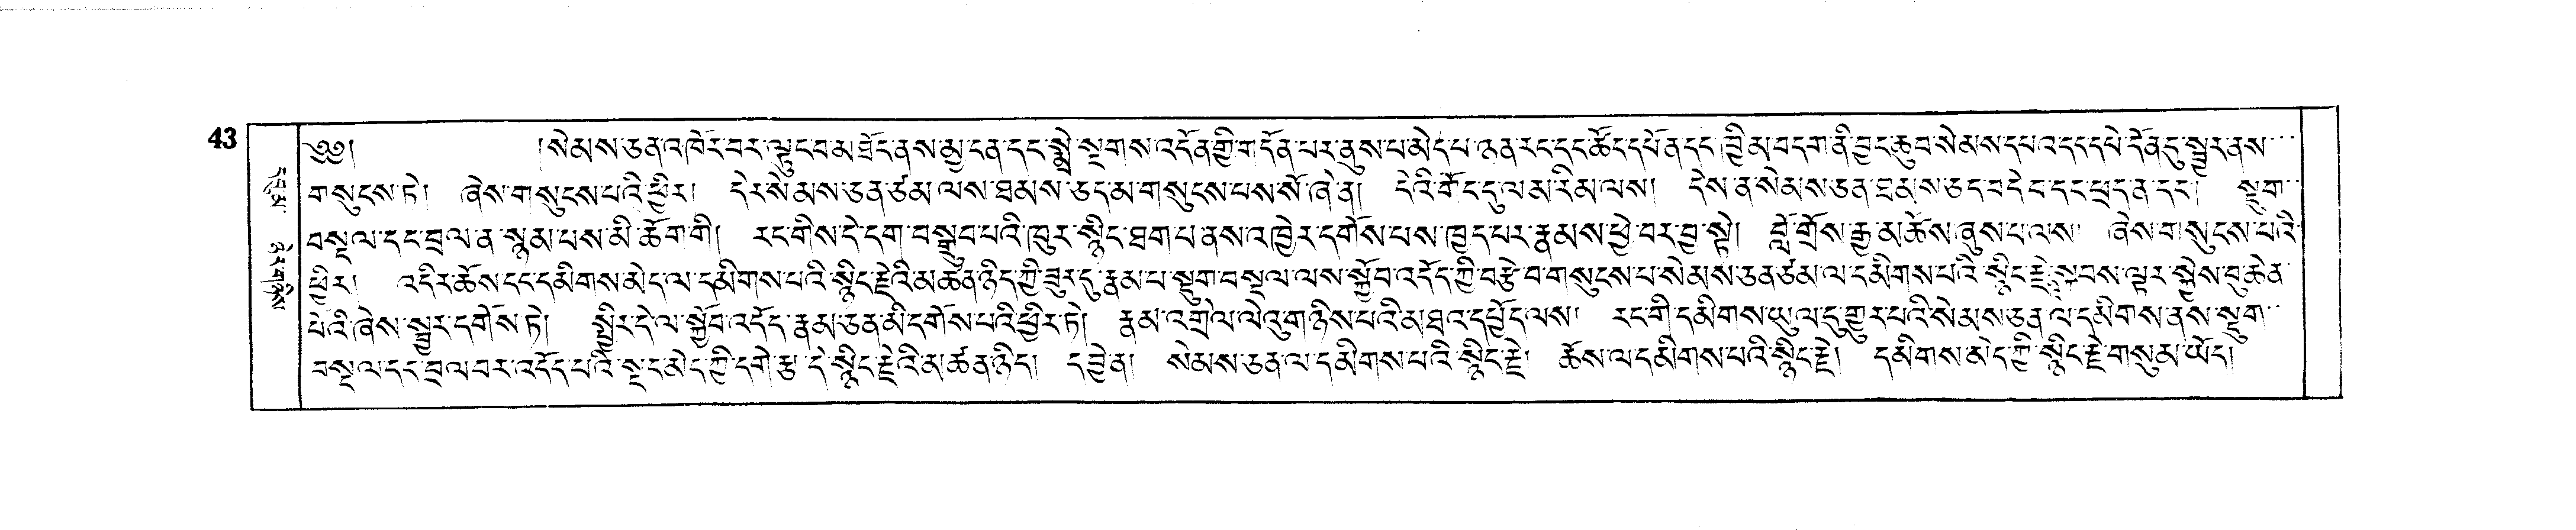༄༅། །སེམས་ཅན་འཁོར་བར་ལྟུང་བ་མཐོང་ནས་མྱ་ངན་དང་སྨྲེ་སྔགས་འདོན་གྱི་གདོན་པར་ནུས་པ་མེད་པ་ཉན་རང་དང་ཚོང་དཔོན་དང་ཁྱིམ་བདག་ནི་བྱང་ཆུབ་སེམས་དཔའ་དང་དཔེ་དོན་དུ་སྦྱར་ནས་
གསུངས་ཏེ། ཞེས་གསུངས་པའི་ཕྱིར། དེར་སེམས་ཅན་ཙམ་ལས་ཐམས་ཅད་མ་གསུངས་པས་སོ་ཞེ་ན། དེའི་གོང་དུ་ལམ་རིམ་ལས། དེས་ན་སེམས་ཅན་ཐམས་ཅད་བདེབ་དང་ཕྲད་ན་དང་། སྡུག་
བསྔལ་དང་བྲལ་ན་སྙམ་པས་མི་ཆོག་གི། རང་གིས་དེ་དག་བསྒྲུབ་པའི་ཁུར་སྙིང་ཐག་པ་ནས་འཁྱེར་དགོས་པས་ཁྱད་པར་རྣམས་ཕྱེ་བར་བྱ་སྟེ། བློ་གྲོས་རྒྱ་མཚོས་ཞུས་པ་ལས། ཞེས་གསུངས་པའི་
ཕྱིར། འདིར་ཆོས་དང་དམིགས་མེད་ལ་དམིགས་པའི་སྙིང་རྗེའི་མཚན་ཉིད་ཀྱི་ཟུར་དུ་རྣམ་པ་སྡུག་བསྔལ་ལས་སྐྱོབ་འདོད་ཀྱི་བརྩེ་བ་གསུངས་པ་སེམས་ཅན་ཙམ་ལ་དམིགས་པའི་སྙིང་རྗེའི་སྐབས་ལྟར་སྐྱེས་བུ་ཆེན་
པོའི་ཞེས་སྦྱར་དགོས་ཏེ། སྤྱིར་དེ་ལ་སྐྱོབ་འདོད་རྣམ་ཅན་མི་དགོས་པའི་ཕྱིར་ཏེ། རྣམ་འགྲེལ་ལེའུ་གཉིས་པའི་མཐའ་དཔྱོད་ལས། རང་གི་དམིགས་ཡུལ་དུ་གྱུར་པའི་སེམས་ཅན་ལ་དམིགས་ནས་སྡུག་
བསྔལ་དང་བྲལ་བར་འདོད་པའི་སྡང་མེད་ཀྱི་དགེ་རྩ་དེ་སྙིང་རྗེའི་མཚན་ཉིད། དབྱེ་ན། སེམས་ཅན་ལ་དམིགས་པའི་སྙིང་རྗེ། ཆོས་ལ་དམིགས་པའི་སྙིང་རྗེ། དམིགས་མེད་ཀྱི་སྙིང་རྗེ་གསུམ་ཡོད།